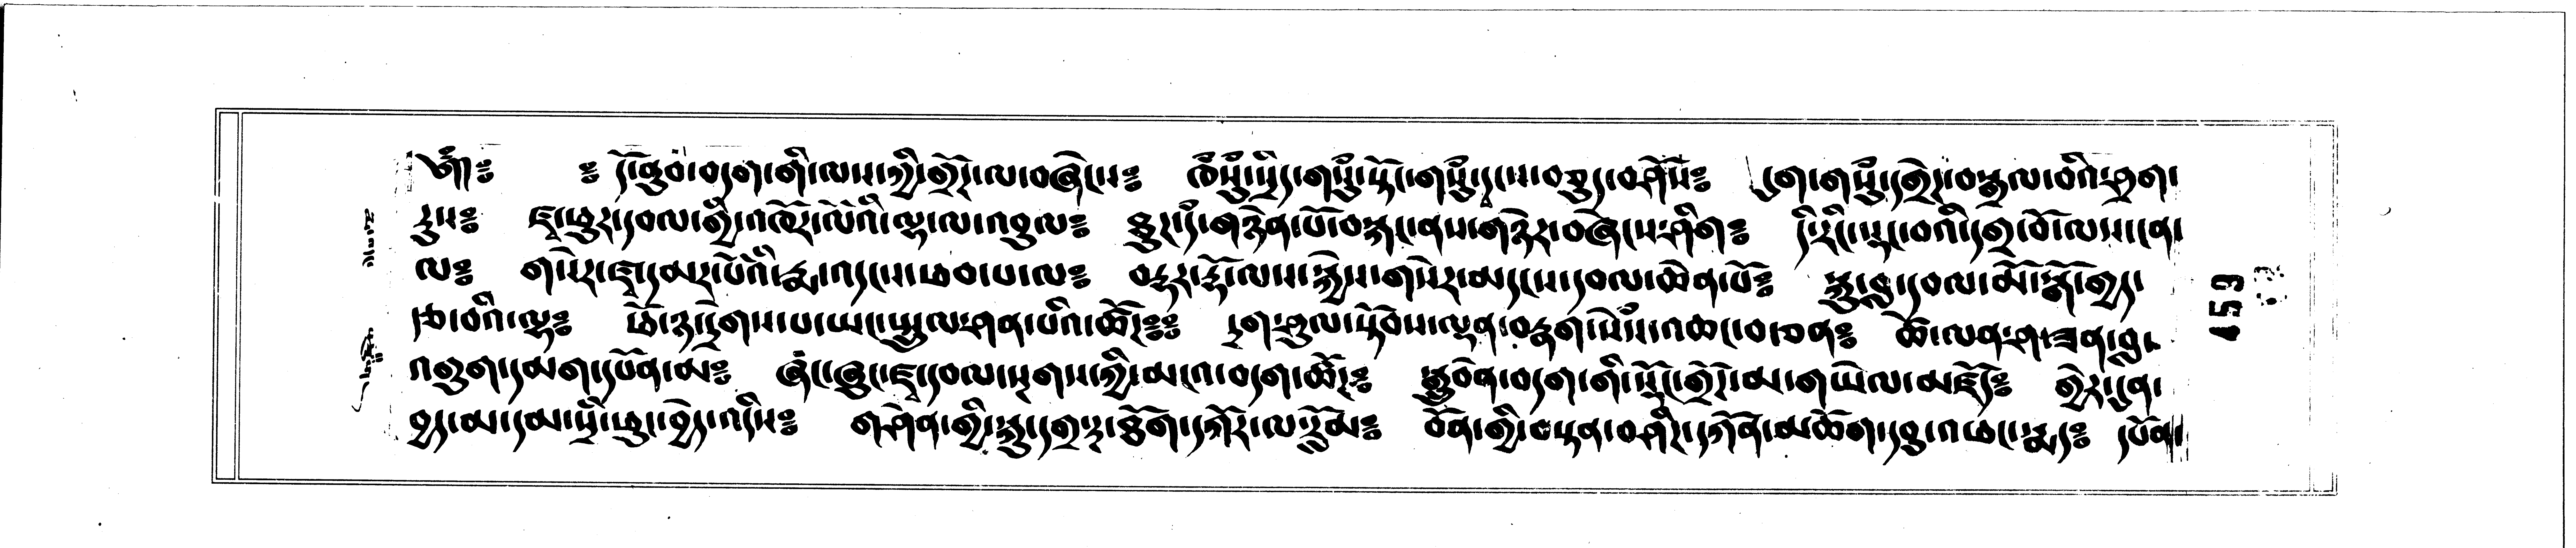༄༅།༔༔དོ་ནུབ་བདག་གི་ལས་ཀྱི་གྲོགས་ལ་བཞེངས༔ཁམས་གསུམ་སྲིད་གསུམ་སྟོང་གསུམ་དྭངས་བཅུད་བཤོས༔དུག་གསུམ་དགྲ་བགེགས་བསྒྲལ་བའི་ཤ་ཁྲག་
རུས༔ཛྭ་ཕུར་དབལ་གྱི་འཁོར་ལོའི་ལྷ་ལ་འབུལ༔ཐུགས་དམ་གཉེན་པོ་བསྐང་ནས་གཉེར་བཞེངས་ཤིག༔དེ་རིང་སྡང་བའི་དགྲ་བོ་ལས་ངན་
ལ༔གསེར་ཛྭདམར་པོའི་རྨ་འདངས་ཕབ་པ་ལ༔བརྡར་རྡོ་ལས་སྐྱེས་གསེར་མདངས་དབལ་ཆེན་པོ༔སྐུ་བླ་དབལ་མོ་སྒོ་གྱད་
རྩ་བའི་ལྷ༔ཕོ་ཉ་དྲེགས་པ་ཡང་སྤྲུལ་ཤན་པའི་ཚོགས༔༔དྲག་ཤུལ་སྟོབས་ལྡན་བརྣག་སེམས་འཆང་བ་ཅན༔ཚེ་ལན་ཤ་ཟན་བླ་
འགུག་དམག་དཔོན་མ༔ཞང་ཞུང་ཛྭ་དབལ་སྔགས་ཀྱི་མངའ་བདག་ཚོགས༔སྒྲུབ་གཤེན་བདག་གི་སྡོང་གྲོགས་མ་གཡེལ་མཛོད༔གྱེར་དུན་
བྱད་མ་དམ་སྲི་ཕུང་བྱེད་འདིས༔གཤེན་གྱི་སྐུ་དགྲ་རྔ་ཐོག་དཀོར་ལ་རློམ༔བོན་གྱི་བསྟན་བཤིགས་དཀོན་མཆོག་དབུ་འཕང་སྨད༔ དཔོན་